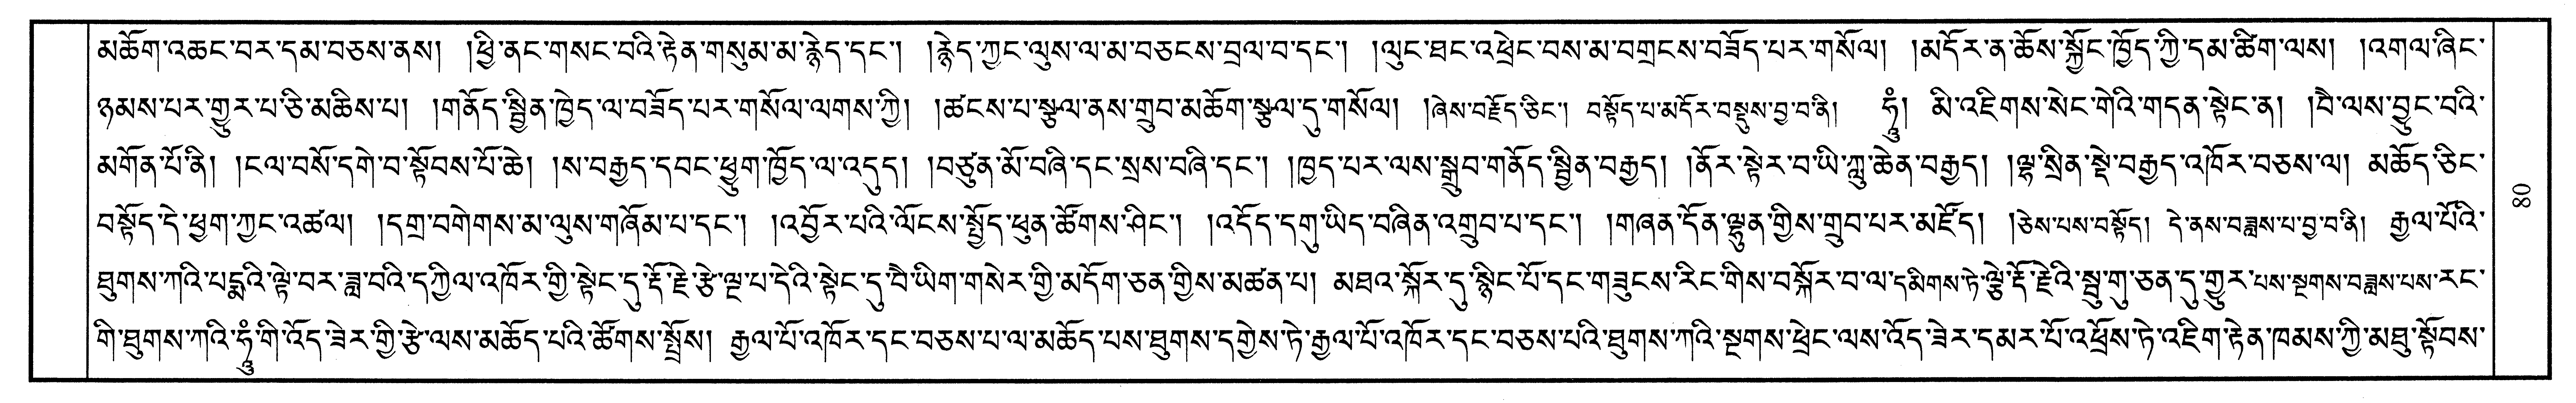མཆོག་འཆང་བར་དམ་བཅས་ནས། །ཕྱི་ནང་གསང་བའི་རྟེན་གསུམ་མ་རྙེད་དང་། །རྙེད་ཀྱང་ལུས་ལ་མ་བཅངས་བྲལ་བ་དང་། །ལུང་ཐང་འཕྲེང་བས་མ་བགྲངས་བཟོད་པར་གསོལ། །མདོར་ན་ཆོས་སྐྱོང་ཁྱོད་ཀྱི་དམ་ཚིག་ལས། །འགལ་ཞིང་
ཉམས་པར་གྱུར་པ་ཅི་མཆིས་པ། །གནོད་སྦྱིན་ཁྱེད་ལ་བཟོད་པར་གསོལ་ལགས་ཀྱི། །ཚངས་པ་སྩལ་ནས་གྲུབ་མཆོག་སྩལ་དུ་གསོལ། །ཞེས་བརྗོད་ཅིང་། བསྟོད་པ་མདོར་བསྡུས་བྱ་བ་ནི། ཧཱུཾ། མི་འཇིགས་སེང་གེའི་གདན་སྟེང་ན། །བཻ་ལས་བྱུང་བའི་
མགོན་པོ་ནི། །ངལ་བསོ་དགེ་བ་སྟོབས་པོ་ཆེ། །ས་བརྒྱད་དབང་ཕྱུག་ཁྱོད་ལ་འདུད། །བཙུན་མོ་བཞི་དང་སྲས་བཞི་དང་། །ཁྱད་པར་ལས་སྒྲུབ་གནོད་སྦྱིན་བརྒྱད། །ནོར་སྟེར་བ་ཡི་ཀླུ་ཆེན་བརྒྱད། །ལྷ་སྲིན་སྡེ་བརྒྱད་འཁོར་བཅས་ལ། །མཆོད་ཅིང་
བསྟོད་དེ་ཕྱག་ཀྱང་འཚལ། །དགྲ་བགེགས་མ་ལུས་གཞོམ་པ་དང་། །འབྱོར་པའི་ལོངས་སྤྱོད་ཕུན་ཚོགས་ཤིང་། །འདོད་དགུ་ཡིད་བཞིན་འགྲུབ་པ་དང་། །གཞན་དོན་ལྷུན་གྱིས་གྲུབ་པར་མཛོད། །ཅེས་པས་བསྟོད། དེ་ནས་བཟླས་པ་བྱ་བ་ནི། །རྒྱལ་པོའི་
ཐུགས་ཀའི་པདམའི་ལྟེ་བར་ཟླ་བའི་དཀྱིལ་འཁོར་གྱི་སྟེང་དུ་རྡོ་རྗེ་རྩེ་ལྔ་པ་དེའི་སྟེང་དུ་བཻ་ཡིག་གསེར་གྱི་མདོག་ཅན་གྱིས་མཚན་པ། མཐའ་སྐོར་དུ་སྙིང་པོ་དང་གཟུངས་རིང་གིས་བསྐོར་བ་ལ་དམིགས་ཏེ་ལྕེ་རྡོ་རྗེའི་སྦུ་གུ་ཅན་དུ་གྱུར་པས་སྔགས་བཟླས་པས་རང་
གི་ཐུགས་ཀའི་ཧཱུཾ་གི་འོད་ཟེར་གྱི་རྩེ་ལས་མཆོད་པའི་ཚོགས་སྤྲོས། རྒྱལ་པོ་འཁོར་དང་བཅས་པ་ལ་མཆོད་པས་ཐུགས་དགྱེས་ཏེ་ནྲྒྱལ་པོ་འཁོར་དང་བཅས་པའི་ཐུགས་ཀའི་སྔགས་ཕྲེང་ལས་ཟེར་དམར་པོ་འཕྲོས་ཏེ་འཇིག་རྟེན་ཁམས་ཀྱི་མཐུ་སྟོབས་